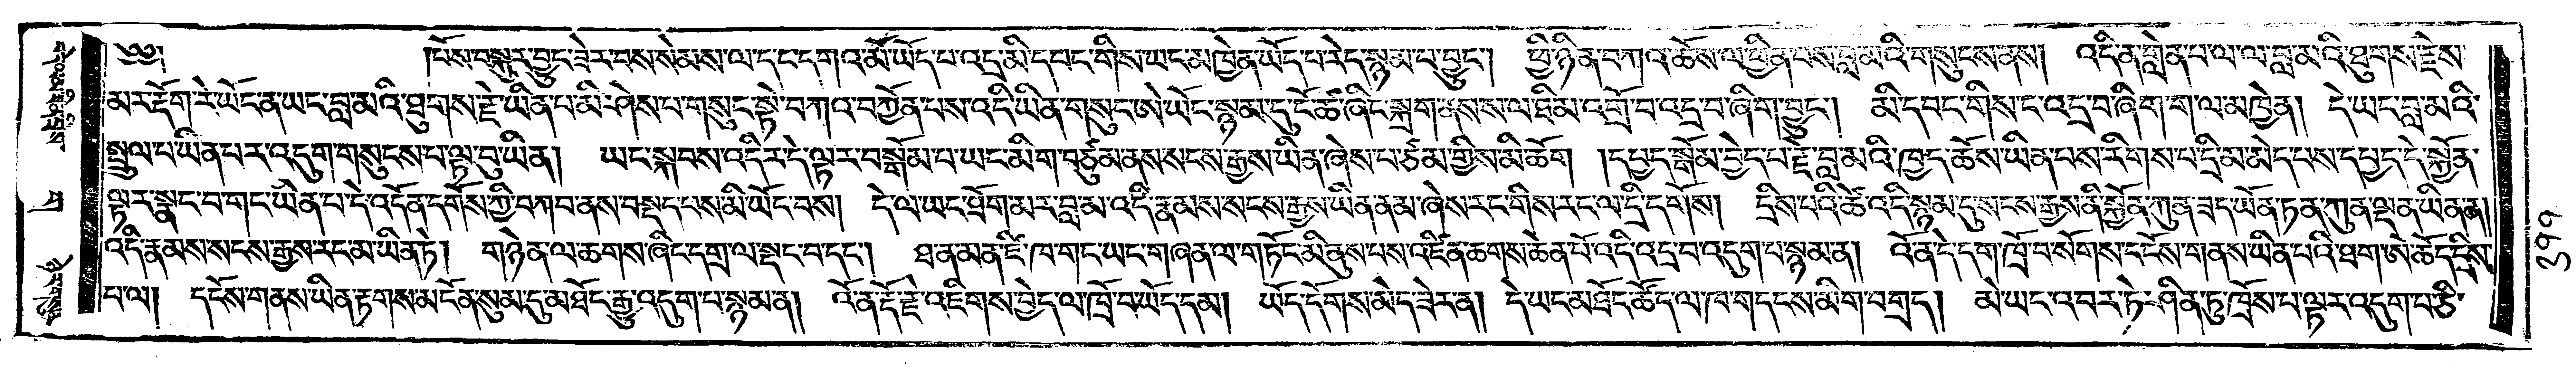༄༅། །པོས་བསྐུར་བྱུང་ཟེར་བས་སེམས་ལ་དང་དགའ་མོ་ཡོད་པ་འདྲ་མི་དབང་གིས་ཡང་མཁྱེན་ཡོད་པ་རེད་སྙམ་པ་བྱུང་། ཕྱི་ཉིན་བཀའ་ཆོས་ལ་ཕྱིན་པས་བླ་མའི་གསུངས་ནས། འདི་ན་གླེན་པ་ལ་ལ་བླ་མའི་ཐུགས་རྗེས་
མར་རྡོག་རེ་ཡོང་ན་ཡང་བླ་མའི་ཐུགས་རྗེ་ཡིན་པ་མི་ཤེས་པ་གསུང་སྟེ་བཀའ་བཀྱོན་པས་འདི་ཡིན་གསུང་ཨེ་ཡོང་སྙམ་དུ་ངོ་ཚ་ཞིང་སྐྲག་ནས་ས་ལ་ཐིམ་འགྲོ་བ་འདྲ་བ་ཞིག་བྱུང་། མི་དབང་གིས་ང་འདྲ་བ་ཞིག་ག་ལ་མཁྱེན། དེ་ཡང་བླ་མའི་
སྤྲུལ་པ་ཡིན་པར་འདུག་གསུངས་པ་ལྟ་བུ་ཡིན། ཡང་སྐབས་འདིར་དེ་ལྟར་བསྒོམ་པ་ཡང་མིག་བཙུམ་ནས་སངས་རྒྱས་ཡིན་ཞེས་པ་ཙམ་གྱིས་མི་མཆོག །དཔྱད་སྒོམ་བྱེད་པ་རྗེ་བླ་མའི་ཁྱད་ཆོས་ཡིན་པས་རིགས་པ་དྲི་མ་མེད་པས་དཔྱད་དེ་སྐྱོན་
ལྟར་སྣང་བ་གང་ཡིན་པ་དེ་འདོན་དགོས་ཀྱི་བཀབ་ནས་བསྡད་པས་མི་ཡོང་བས། དེ་ལ་ཡང་ཐོག་མར་བླ་མ་འདི་རྣམས་སངས་རྒྱས་ཡིན་རྣམ་ཞེས་རང་གིས་རང་ལ་དྲི་དགོས། དྲིས་པའི་ཚེ་འདི་སྙམ་དུ་སངས་རྒྱས་ནི་སྐྱོན་ཀུན་ཟད་ཡོན་ཏན་ཀུན་ལྡན་ཡིན་ན།
འདི་རྣམས་སངས་རྒྱས་རང་མ་ཡིན་ཏེ། གཉེན་ལ་ཆགས་ཞིང་དགྲ་ལ་སྡང་བ་དང་། ཐ་ན་མན་ཛི་ཁ་གང་ཡང་གཞན་ལ་གཏོང་མི་ནུས་པས་འཛིན་ཆགས་ཆེན་པོ་འདི་འདྲ་བ་འདུག་པ་སྙམ་ན། འོ་ན་དེ་དག་ཁྲོ་བ་སོགས་དངོས་གནས་ཡིན་པའི་ཐག་ཨེ་ཆོད་དྲིས་
པ་ལ། དངོས་གནས་ཡིན་རྟགས་མངོན་སུམ་དུ་མཐོང་རྒྱུ་འདུག་པ་སྙམ་ན། འོ་ན་རྡོ་རྗེ་འཇིགས་བྱེད་ལ་ཁྲོ་བ་ཡོད་དམ། ཡོད་དོགས་མེད་ཟེར་ན། དེ་ཡང་མཐོང་ཚོད་ལ་ཁ་གདངས་མིག་བགྲད། མེ་ཡང་འབར་ཏེ་ཤིན་ཏུ་ཁྲོས་པ་ལྟར་འདུག་པ་ཅི་